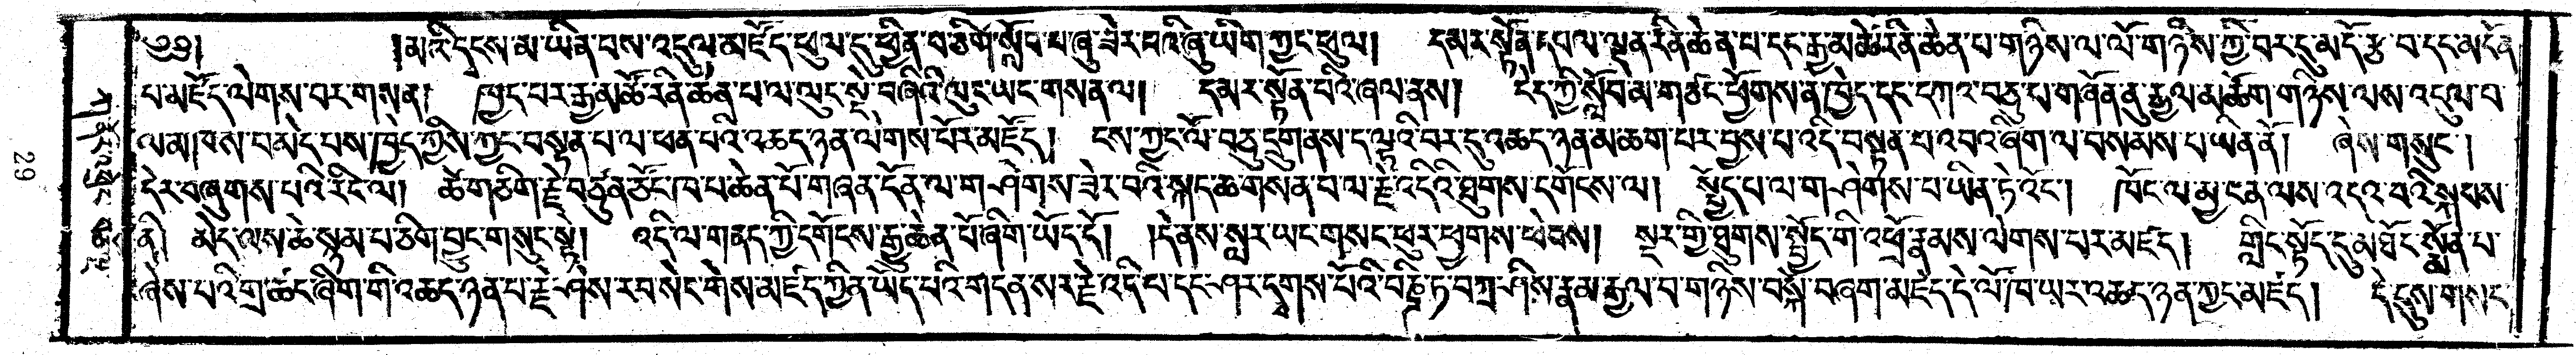༄༅། །མའི་དྭངས་མ་ཡིན་བས་འདུལ་མཛོད་ཕུལ་དུ་ཕྱིན་བ་ཅིག་སློབ་པ་ཞུ་ཟེར་བའི་ཞུ་ཡིག་ཀྱང་ཕུལ། དམར་སྟོན་དཔལ་ལྡན་རིན་ཆེན་པ་དང་རྒྱ་མཚེ་རིན་ཆེན་པ་གཉིས་ལ་ལོ་གཉིས་ཀྱི་བར་དུ་མདོ་རྩ་བ་དང་མངོན་
པ་མཛོད་ལེགས་པར་གསན། ཁྱད་པར་རྒྱ་མཚོ་རིན་ཆེན་པ་ལ་ལུང་སྡེ་བཞིའི་ལུང་ཡང་གསན་ལ། དམར་སྟོན་པའི་ཞལ་ནས། ངེད་ཀྱི་སློབ་མ་གཙང་ཕྱོགས་ཁྱེད་དང་དཀའ་བཅུ་པ་གཞོན་ནུ་རྒྱལ་མཆོ་གཉིས་ལས་འདུལ་བ་
ལ་མཁས་པ་མེད་པས་ཁྱེད་ཀྱིས་ཀྱང་བསྟན་པ་ལ་ཕན་པའི་འཆད་ཉན་ལེགས་པོར་མཛོད། ངས་ཀྱང་ལོ་བཅུ་དྲུག་ནས་ད་ལྟའི་བར་དུ་འཆད་ཉན་མ་ཆག་པར་བྱས་པ་འདི་བསྟན་པ་འབའ་ཞིག་ལ་བསམས་པ་ཡིན་ནོ། ཞེས་གསུངས།
དེར་བཞུགས་པའི་རིང་ལ། ཚེ་གཅིག་རྗེ་བཙུན་ཙོང་ཁ་པ་ཆེན་པོ་གཞན་དོན་ལ་གཤེགས་ཟེར་བའི་སྐད་ཆ་གསན་བ་ལ་རྗེ་འདིའི་ཐུགས་དགོངས་ལ། སྤྱོད་པ་ལ་གཤེགས་པ་ཡིན་ཏེ་འོང་། ཁོང་ལ་མྱ་ངན་ལས་འདའ་བའི་སྐབས་
ནི། མེད་ལས་ཆེ་སྙམ་པ་ཅིག་བྱུང་གསུང་སྟེ། འདི་ལ་གནད་ཀྱི་དགོངས་རྒྱུ་ཆེན་པོ་ཞིག་ཡོད་དོ། །དེ་ནས་སླར་ཡང་གསང་ཕུར་ཕྱགས་ཕེབས། སྔར་གྱི་ཐུགས་སྦྱོང་གི་འཕྲོ་རྣམས་ལེགས་པར་མཛད། གླིང་སྟོད་དུ་མཐོང་སྨོན་པ་
ཞེས་པའི་གྲ་ཚང་ཞིག་གི་འཆད་ཉན་པ་རྗེ་ཤེས་རབ་སེང་གེས་མཛད་ཀྱིན་ཡོད་པའི་གདན་སར་རྗེ་འདི་པ་དང་ཤར་དྭགས་པོའི་པཎྜི་ཏ་བཀྲ་ཤིས་རྣམ་རྒྱལ་བ་གཉིས་བསྐོ་བཞག་མཛད་དེ་ལོ་ཁ་ཡར་འཆད་ཉན་ཀྱང་མཛད། དེ་དུས་གསང་